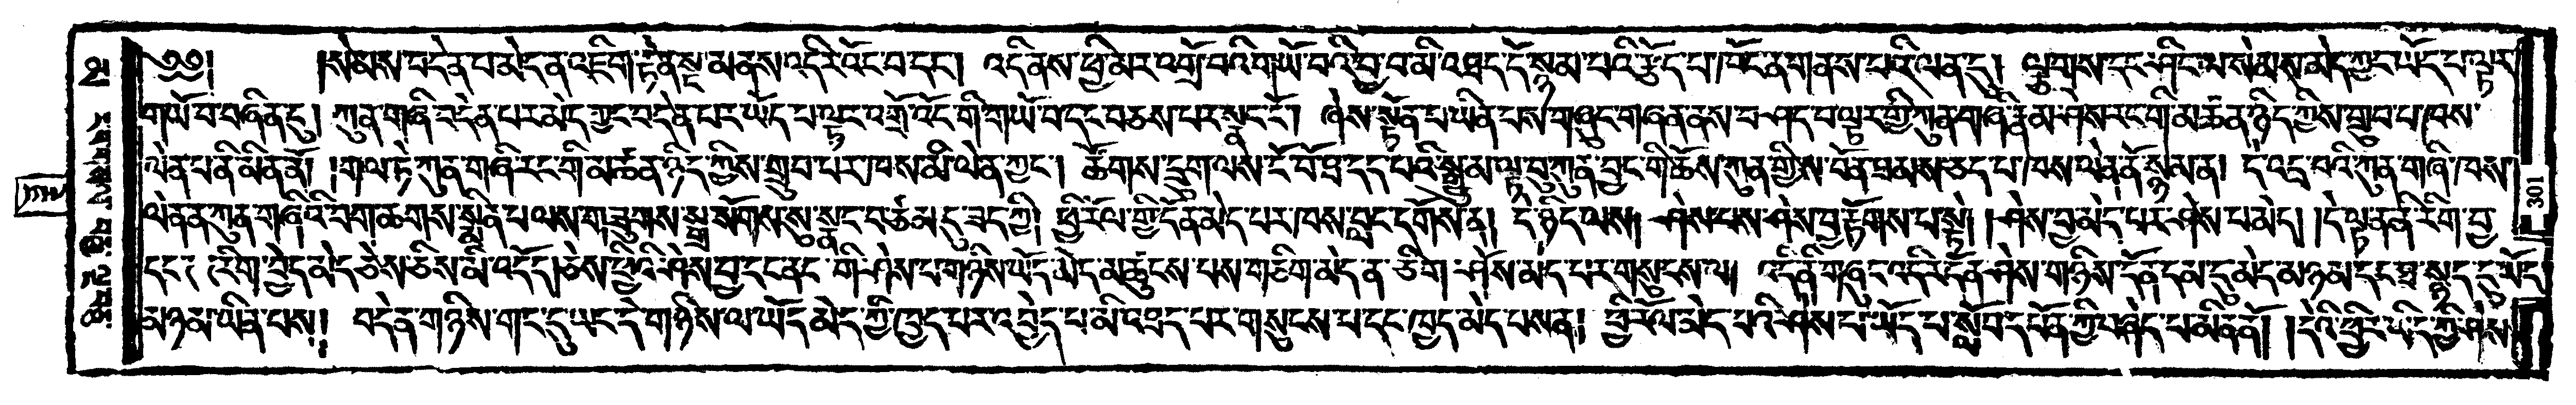༄༅། །སེམས་བདེན་པ་མེད་ན་འཇིག་རྟེན་སྔ་མ་ནས་འདིར་འོང་བ་དང་། འདི་ནས་ཕྱི་མར་འགྲོ་བའི་གཡོ་བའི་བྱ་བ་མི་འཐད་དོ་སྙམ་པའི་རྩོད་པ་ཁོང་ན་གནས་པའི་ལན་དུ། ལྕགས་དང་ཤིང་ལ་སེམས་མེད་ཀྱང་ཡོད་པ་ལྟར་
གཡོ་བ་བཞིན་དུ། ཀུན་གཞི་བདེན་པར་མེད་ཀྱང་བདེན་པར་ཡོད་པ་ལྟར་འགྲོ་འོང་གི་གཡོ་བ་དང་བཅས་པར་སྣང་ངོ། ཞེས་སྟོན་པ་ཡིན་པས་གཞུང་གཞན་ནས་བཤད་པ་ལྟར་གྱི་ཀུན་གཞི་རྣམ་ཤེས་རང་གི་མཚན་ཉིད་ཀྱིས་གྲུབ་པ་ཁས་
ལེན་པ་ནི་མིན་ནོ། །གལ་ཏེ་ཀུན་གཞི་རང་གི་མཚན་ཉིད་ཀྱིས་གྲུབ་པར་ཁས་མི་ལེན་ཀྱང་། ཚོགས་དྲུག་ལས་ངོ་བོ་ཐ་དད་པའི་སྒྱུ་མ་ལྟ་བུ་ཀུན་བྱང་གི་ཆོས་ཀུན་གྱི་ས་བོན་ཐམས་ཅད་པ་ཁས་ལེན་ནོ་སྙམ་ན། དེ་འདྲ་བའི་ཀུན་གཞི་ཁས་
ལེན་ན་ཀུན་གཞིའི་བག་ཆགས་སྨིན་པ་ལས་གཟུགས་སྒྲ་སོགས་སུ་སྣང་བ་ཙམ་དུ་ཟད་ཀྱི། ཕྱི་རོལ་གྱི་དོན་མེད་པར་ཁས་བླང་དགོས་ན། དེ་ཉིད་ལས། ཤེས་པས་ཤེས་བྱ་རྟོགས་པ་སྟེ། །ཤེས་བྱ་མེད་པར་ཤེས་པ་མེད། །དེ་ལྟ་ན་ནི་རིག་བྱ་
དང༑ ༑རིག་བྱེད་མེད་ཅེས་ཅིས་མི་འདོད། །ཅེས་ཕྱིའི་ཤེས་བྱ་དང་ནང་གི་ཤེས་པ་གཉིས་ཡོད་མེད་མཚུངས་པས་གཅིག་མེད་ན་ཅིག་ཤོས་མེད་པར་གསུངས་ལ། འདི་ནི་གཞུང་འདིར་དོན་ཤེས་གཉིས་དོན་དམ་དུ་མེད་མཉམ་དང་ཐ་སྙད་དུ་ཡོད་
མཉམ་ཡིན་པས། བདེན་གཉིས་གང་དུ་ཡང་དེ་གཉིས་ལ་ཡོད་མེད་ཀྱི་ཁྱད་པར་འབྱེད་པ་མི་འཐད་པར་གསུངས་པ་དང་ཁྱད་མེད་པས་ན། ཕྱི་རོལ་མེད་པའི་ཤེས་པ་ཡོད་པ་སློབ་དཔོན་གྱི་བཞེད་པ་མིན་ནོ། །དེའི་ཕྱིར་ཡིད་ཀྱི་ཤེས་